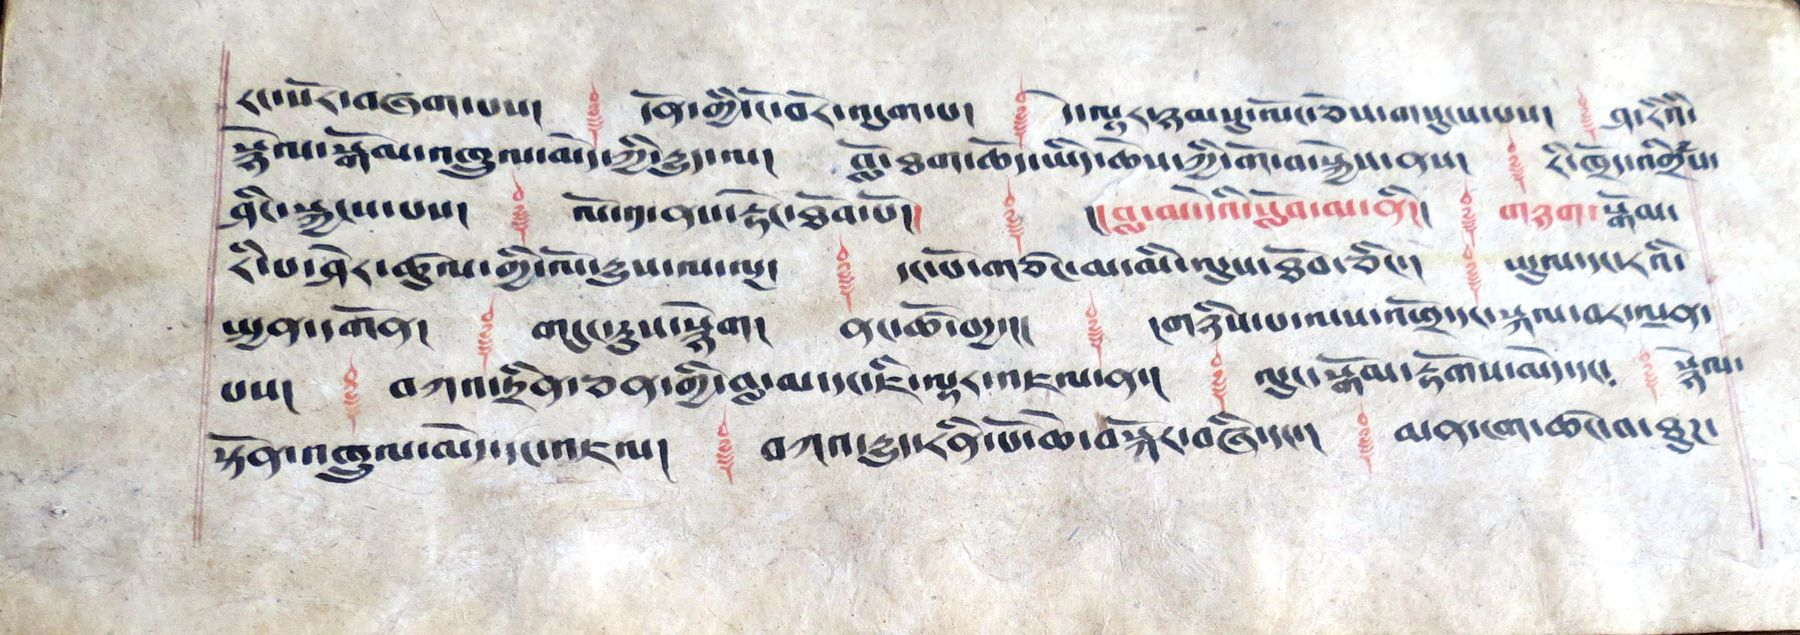རང་སོར་བཞག་པས། དོན་གྱི་ངོ་བོར་འདུག་པ། དེ་ལྟར་ཉམས་སུ་ལོངས་ཞེས་གསུངས་པས། ཤ་རིའི་
སྙེལ་སྒོམ་འཁྲུལ་མེད་ཀྱི་རྒྱུད་ལ། བློ་ཐག་ཆོད་ཡིད་ཆེས་ཀྱི་གོ་བ་སྐྱེས་ནས། རི་ཁྲོད་འགྲིམས་
ཤིང་བསྐྱངས་པས། ལོ་གཅིག་ནས་གདེང་ཐོབ་བོ། ། བླ་མ་དེའི་སློབ་མ་ནི། གཉག་སྒོམ་
རི་པ་ཤེར་ཚུལ་གྱི་ལོ་རྒྱུས་ལ་ལྔ། དང་པོ་གཙང་མ་མི་ལུས་ཐོབ་ཅིང་། ཡུལ་དྭང་རའི་
སྤྱན་དགོན། གདུང་རུས་གཉག ནང་ཚོ་རྒྱ། གཉིས་པ་ལས་འཕྲོ་དང་སྐལ་པར་ལྡན་
པས། བཀའ་དྲིན་ཅན་གྱི་བླ་མ་དང་ཅི་ལྟར་མཇལ་ན། ལུང་སྒོམ་རྟོག་མེད་དང་སྙེལ་
སྒོམ་འཁྲུལ་མེད་དང་མཇལ། བཀའ་རྒྱུད་རིན་པོ་ཆེ་སྐོར་བཞི་དང་། མན་ངག་ཚང་བར་ཐུགས་